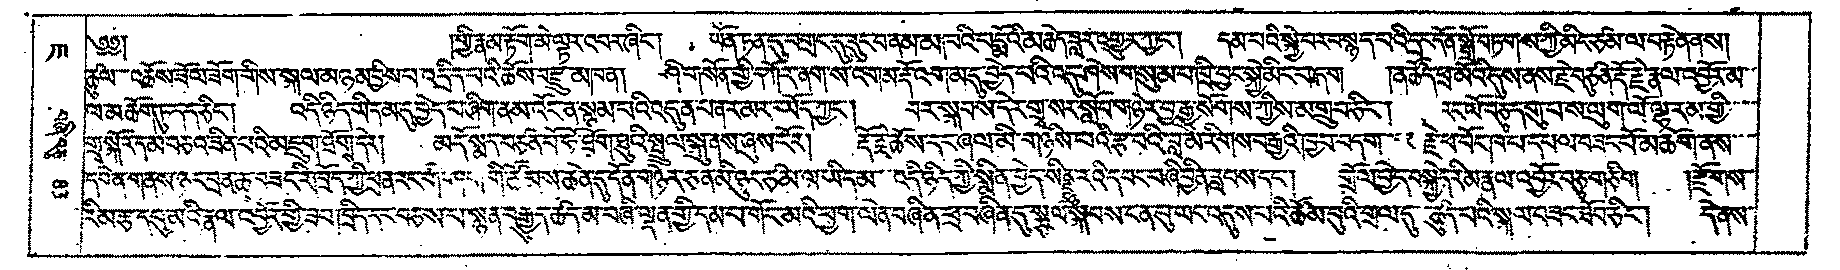༄༅། །གྱི་རྣམ་རྟོག་མེ་ལྟར་འབར་ཞིང་། ཡོན་ཏན་དུ་བགྲང་དུ་དུང་བ་ནམ་མཁའི་པདམོའི་མཆེད་ཟླར་འགྱུར་ཀྱང་། དམ་པའི་སྐྱེ་བར་བསྙད་པའི་དྲང་དོན་སྒྲོ་བཏགས་ཀྱི་མིང་ཙམ་ལ་བརྟེན་ནས།
ཚུལ་འཆོས་ཟོལ་ཟོག་གིས་སྐལ་མཉམ་བྱིས་པ་འདྲིད་པའི་ཆོས་བརྫུ་མཁན། ཤི་གསོན་གྱི་དཀོར་ནག་ས་འགམ་རྡོ་འགམ་དུ་བྱེད་པའི་འདུ་ཤེས་གསུམ་པ་ཁྲི་བྱང་སྐྱེ་མིང་པ་བདག །ན་ཚོད་ཕྲ་མོའི་དུས་ནས་རྗེ་བཙུན་རྡོ་རྗེ་རྣལ་འབྱོར་མ་
ལ་མཆོག་ཏུ་དད་ཅིང་། འདི་ཉིད་ཡི་དམ་དུ་བྱེད་པ་ཞིག་ནམ་འོང་ན་སྙམ་པའི་འདུན་པ་ནར་མར་ཡོད་ཀྱང་། བར་སྐབས་དེར་གྲྭ་སར་སློབ་གཉེར་བྱ་རྒྱུ་སོགས་ཀྱིས་མ་གྲུབ་ཅིང་། རང་ལོ་བཅུ་དགུ་པ་ས་ལུག་ལོ་ལྷ་རམ་གྱི་
གྲྭ་སྐོར་དམ་བཅའ་ཟིན་པའི་མཇུག་ཐོགས་དེར། མདོ་སྨད་བཙན་པོ་ཧོ་ཐོག་ཐུའི་སྤྲུལ་སྐུ་ནས་ཞུས་ངོར། རྡོ་རྗེ་ཆོས་དང་ཞལ་མི་གཉིས་པའི་རྩ་བའི་བླ་མ་རིགས་བརྒྱའི་ཁྱབ་བདག ༈ རྗེ་ཕ་བོང་ཁ་པ་དཔལ་བཟང་པོ་མཆོག་ནས་
དབེན་གནས་ཉང་བྲང་ཆུ་བཟང་རི་ཁྲོད་ཀྱི་ཕྲན་རང་གི་ཤག་གི་ཚོམས་ཆེན་དུ་དོན་གཉེར་ཅན་མི་ཉུང་ཙམ་ལ་ཡི་དམ་འདི་ཉིད་ཀྱི་སྨིན་བྱེད་སིནྡྷུ་རའི་དབང་བཞི་བྱིན་རླབས་དང་། གྲོལ་བྱེད་བསྐྱེད་རིམ་རྣལ་འབྱོར་བཅུ་གཅིག །རྫོགས་
རིམ་རྩ་དབུ་མའི་རྣལ་འབྱོར་གྱི་ཟབ་ཁྲིད་དང་བཅས་པ་སྙན་བརྒྱུད་ཚད་མ་བཞི་ལྡན་གྱི་དམ་པ་གོང་མའི་ཕྱག་ལེན་བཞིན་ཕྲ་བཞིན་དུ་སྩལ་སྐབས་ངན་བུ་ཡང་འདུས་པའི་ཚོམ་བུའི་གྲལ་དུ་ཚུད་པའི་སྐལ་བཟང་ཐོབ་ཅིང་། དེ་ནས་